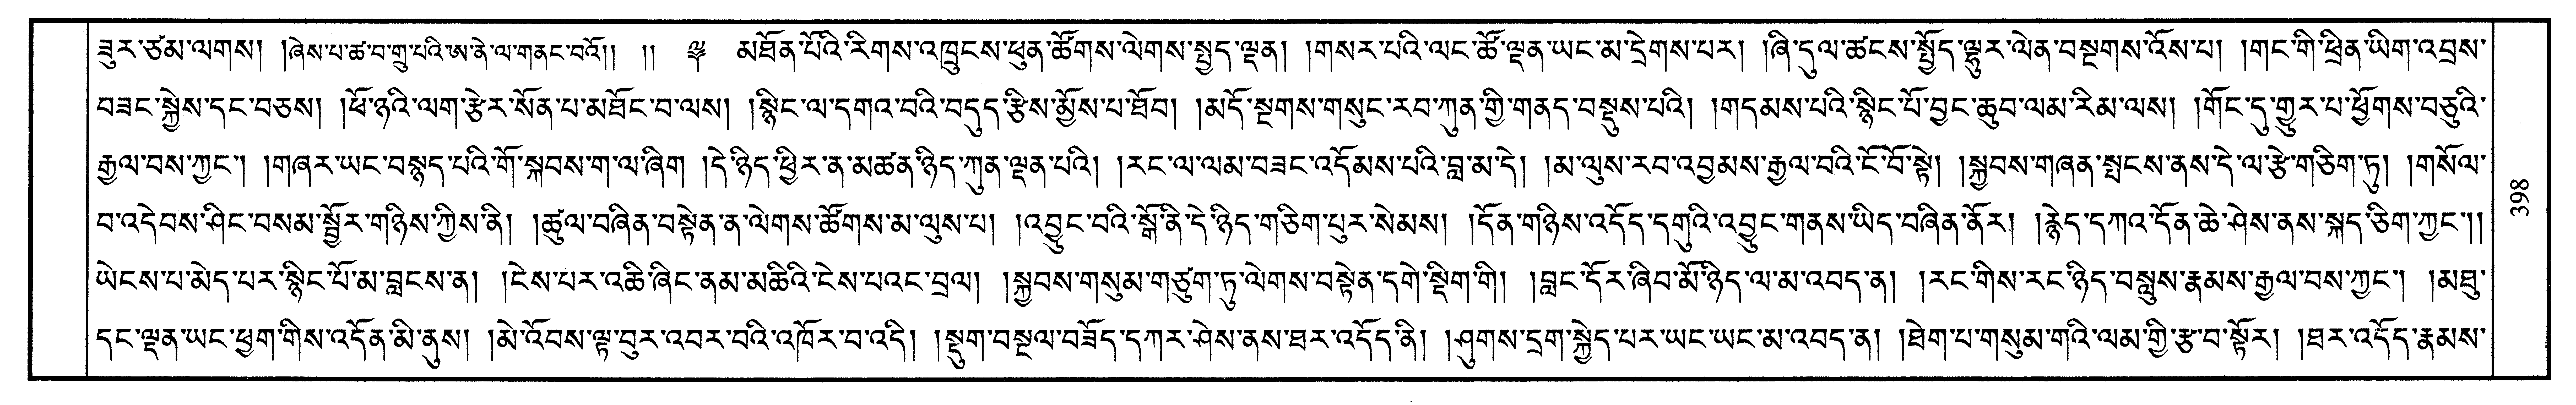ཟུར་ཙམ་ལགས། །ཞེས་པ་ཚ་བ་གྲུ་པའི་ཨ་ནེ་ལ་གནང་བའོ།། །། ༈ མཐོན་པོའི་རིགས་འཁྲུངས་ཕུན་ཚོགས་ལེགས་སྤྱད་ལྡན། །གསར་པའི་ལང་ཚོ་ལྡན་ཡང་མ་དྲེགས་པར། །ཞི་དུལ་ཚངས་སྤྱོད་ལྷུར་ལེན་བསྔགས་འོས་པ། །གང་གི་ཕྲིན་ཡིག་འབྲས་
བཟང་སྐྱེས་དང་བཅས། །ཕོ་ཉའི་ལག་རྩེར་སོན་པ་མཐོང་བ་ལས། །སྙིང་ལ་དགའ་བའི་བདུད་རྩིས་མྱོས་པ་ཐོབ། །མདོ་སྔགས་གསུང་རབ་ཀུན་གྱི་གནད་བསྡུས་པའི། །གདམས་པའི་སྙིང་པོ་བྱང་ཆུབ་ལམ་རིམ་ལས། །གོང་དུ་གྱུར་པ་ཕྱོགས་བཅུའི་
རྒྱལ་བས་ཀྱང་། །གཞར་ཡང་བསྙད་པའི་གོ་སྐབས་ག་ལ་ཞིག །དེ་ཉིད་ཕྱིར་ན་མཚན་ཉིད་ཀུན་ལྡན་པའི། །རང་ལ་ལམ་བཟང་འདོམས་པའི་བླ་མ་དེ། །མ་ལུས་རབ་འབྱམས་རྒྱལ་བའི་ངོ་བོ་སྟེ། །སྐྱབས་གཞན་སྤངས་ནས་དེ་ལ་རྩེ་གཅིག་ཏུ། །གསོལ་
བ་འདེབས་ཤིང་བསམ་སྦྱོར་གཉིས་ཀྱིས་ནི། །ཚུལ་བཞིན་བསྟེན་ན་ལེགས་ཚོགས་མ་ལུས་པ། །འབྱུང་བའི་སྒོ་ནི་དེ་ཉིད་གཅིག་པུར་སེམས། །དོན་གཉིས་འདོད་དགུའི་འབྱུང་གནས་ཡིད་བཞིན་ནོར། །རྙེད་དཀའ་དོན་ཆེ་ཤེས་ནས་སྐད་ཅིག་ཀྱང།།
ཡེངས་པ་མེད་པར་སྙིང་པོ་མ་བླངས་ན། །ངེས་པར་འཆི་ཞིང་ནམ་མཆིའི་ངེས་པའང་བྲལ། །སྐྱབས་གསུམ་གཙུག་ཏུ་ལེགས་བསྟེན་དགེ་སྡིག་གི། །བླང་དོར་ཞིབ་མོ་ཉིད་ལ་མ་འབད་ན། །རང་གིས་རང་ཉིད་བསླུས་རྣམས་རྒྱལ་བས་ཀྱང་། །མཐུ་
དང་ལྡན་ཡང་ཕྱག་གིས་འདོན་མི་ནུས། །མེ་འོབས་ལྟ་བུར་འབར་བའི་འཁོར་བ་འདི། །སྡུག་བསྔལ་བཟོད་དཀར་ཤེས་ནས་ཐར་འདོད་ནི། །ཤུགས་དྲག་སྐྱེད་པར་ཡང་ཡང་མ་འབད་ན། །ཐེག་པ་གསུམ་གའི་ལམ་གྱི་རྩ་བ་སྟོར། །ཐར་འདོད་རྣམས་